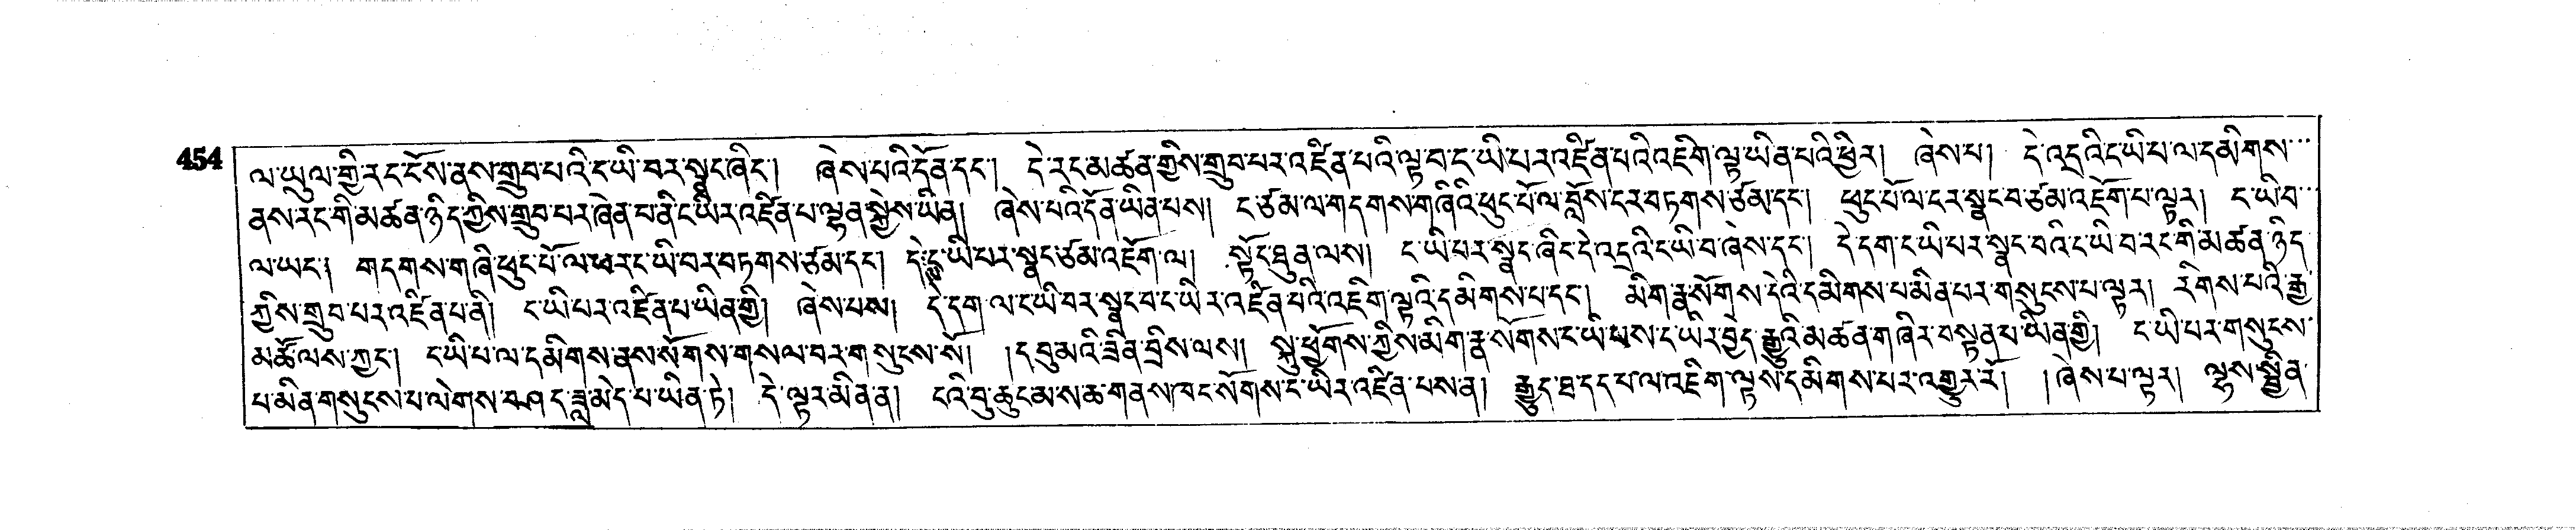ལ་ཡུལ་གྱི་རང་ངོས་ནས་གྲུབ་པའི་ང་ཡི་བར་སྣང་ཞིང་། ཞེས་པའི་དོན་དང་། དེ་རང་མཚན་གྱིས་གྲུབ་པར་འཛིན་པའི་ལྟ་བ་ང་ཡི་པར་འཛིན་པའི་འཇིག་ལྟ་ཡིན་པའི་ཕྱིར། ཞེས་པ། དེ་འདྲའི་ང་ཡི་པ་ལ་དམིགས་
ནས་རང་གི་མཚན་ཉིད་ཀྱིས་གྲུབ་པར་ཞེན་པ་ནི་ང་ཡིར་འཛིན་པ་ལྷན་སྐྱེས་ཡིན། ཞེས་པའི་དོན་ཡིན་པས། ང་ཙམ་ལ་གདགས་གཞིའི་ཕུང་པོ་ལ་བློས་ངར་བཏགས་ཙམ་དང་། ཕུང་པོ་ལ་ངར་སྣང་བ་ཙམ་འཇོག་པ་ལྟར། ང་ཡི་བ་
ལ་ཡང་། གདགས་གཞི་ཕུང་པོ་ལ་ཕར་ང་ཡི་བར་བཏགས་ཙམ་དང་། དེ་ལ་ང་ཡི་པར་སྣང་ཙམ་འཇོག་ལ། སྟོང་ཐུན་ལས། ང་ཡི་པར་སྣང་ཞིང་དེ་འདྲའི་ང་ཡི་བ་ཞེས་དང་། དེ་དག་ང་ཡི་པར་སྣང་བའི་ང་ཡི་བ་རང་གི་མཚན་ཉིད་
ཀྱིས་གྲུབ་པར་འཛིན་པ་ནི། ང་ཡི་པར་འཛིན་པ་ཡིན་གྱི། ཞེས་པས། དེ་དག་ལ་ང་ཡི་བར་སྣང་བ་ང་ཡིར་འཛིན་པའི་འཇིག་ལྟའི་དམིགས་པ་དང་། མིག་རྣ་སོགས་དེའི་དམིགས་པ་མིན་པར་གསུངས་པ་ལྟར། རིགས་པའི་རྒྱ་
མཚོ་ལས་ཀྱང་། ང་ཡི་པ་ལ་དམིགས་ནས་སོགས་གསལ་བར་གསུངས་སོ། །དབུ་མའི་ཟིན་བྲིས་ལས། སྐུ་ཕྱོགས་ཀྱིས་མིག་རྣ་སོགས་ང་ཡི་པས་ང་ཡིར་བྱེད་རྒྱུའི་མཚན་གཞིར་བསྟན་པ་ཡིན་གྱི། ང་ཡི་པར་གསུངས་
པ་མིན་གསུངས་པ་ལེགས་བཤད་ཟླ་མེད་པ་ཡིན་ཏེ། དེ་ལྟར་མིན་ན། ངའི་བུ་ཆུང་མ་ས་ཆ་གནས་ཁང་སོགས་ང་ཡིར་འཛིན་པས་ན། རྒྱུད་ཐ་དད་པ་ལ་འཇིག་ལྟས་དམིགས་པར་འགྱུར་རོ། །ཞེས་པ་ལྟར། ལྷས་སྦྱིན་